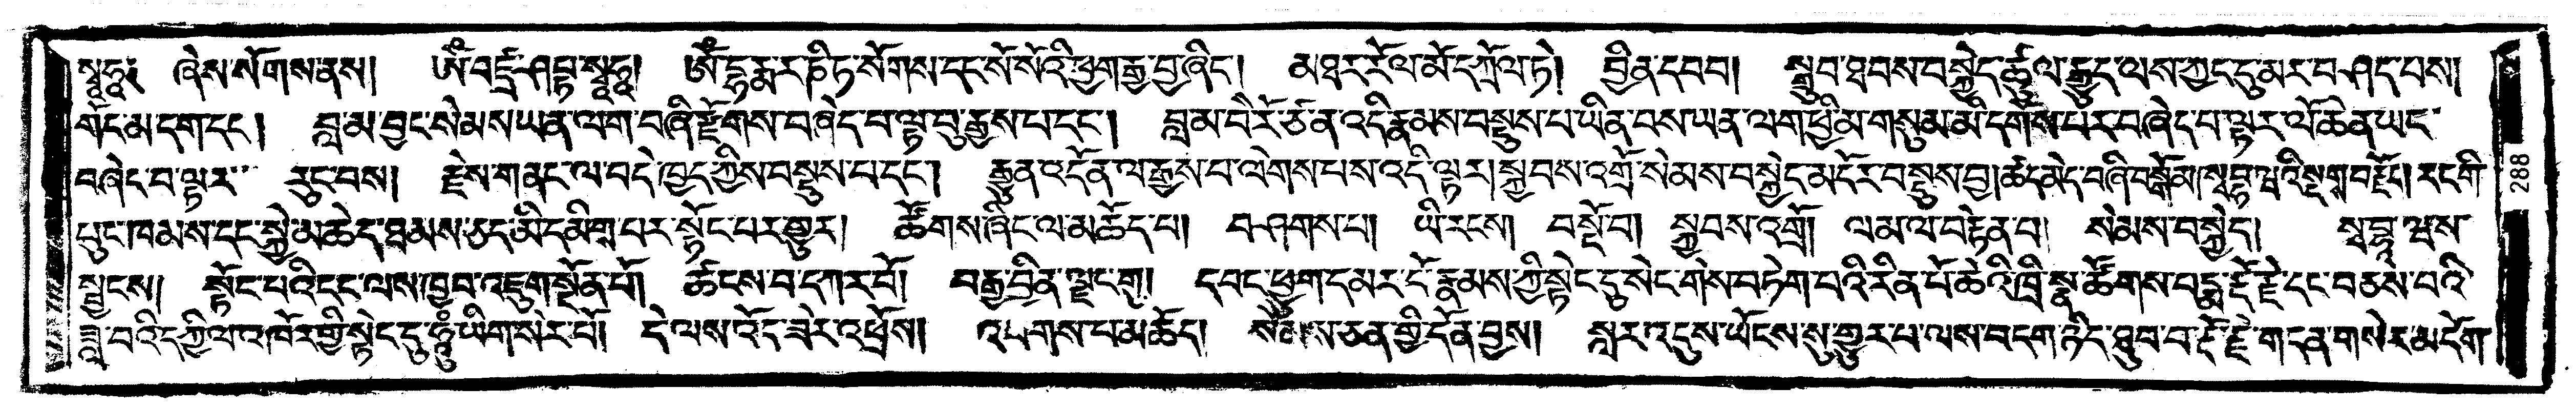སྭཱཧཱ༑ ཞེས་སོགས་ནས། ཨོཾ་བཛྲ་ཤཔྟ་སྭཱཧཱ། ཨོཾ་དྷརྨ་ར་ཎི་ཏ་སོགས་དང་སོ་སོའི་ཕྱག་རྒྱ་བྱ་ཞིང་། མཐར་རོལ་མོ་དཀྲོལ་ཏེ། བྱིན་དབབ། སྒྲུབ་ཐབས་བསྐྱེད་ཚུལ་རྒྱུད་ལས་ཀྱང་དུ་མར་བཤད་པས།
གོང་མ་དག་དང་། བླ་མ་བྱང་སེམས་ཡན་ལག་བཞི་རྫོགས་བཞེད་པ་ལྟ་བུ་རྒྱས་པ་དང་། བླ་མ་བཻ་རོ་ཙ་ན་འདི་རྣམས་བསྡུས་པ་ཡིན་པས་ཡན་ལག་ཕྱི་མ་གསུམ་མི་དགོས་པར་བཞེད་པ་ལྟར་ལོ་ཆེན་ཡང་
བཞེང་བ་ལྟར་རུང་བས། རྗེས་གནང་ལ་བདེ་ཁྱད་ཀྱིས་བསྡུས་པ་དང་། རྒྱུན་འདོན་ལ་རྒྱས་པ་ལེགས་པས་འདི་ལྟར། སྐྱབས་འགྲོ་སེམས་བསྐྱེད་མདོར་བསྡུས་བྱ། ཚད་མེད་བཞི་བསྒོམ། སྭབྷ་ཝའི་སྔགས་བརྗོད། རང་གི་
ཕུང་ཁམས་དང་སྐྱེ་མཆེད་ཐམས་ཅད་མི་དམིགས་པར་སྟོང་པར་གྱུར། ཚོགས་ཞིང་ལ་མཆོད་པ། བཤགས་པ། ཡི་རངས། བསྔོ་བ། སྐྱབས་འགྲོ། ལམ་ལ་བརྟེན་པ། སེམས་བསྐྱེད། སྭ་བྷཱ་ཝས་
སྦྱངས། སྟོང་པའི་ངང་ལས་ཁྱབ་འཇུག་སྔོན་པོ། ཚངས་བ་དཀར་པོ། བརྒྱ་བྱིན་ལྗང་གུ། དབང་ཕྱུག་དམར་པོ་རྣམས་ཀྱི་སྟེང་དུ་སེང་གེས་བཏེག་པའི་རིན་པོ་ཆེའི་ཁྲི་སྣ་ཚོགས་པདམ་རྡོ་རྗེ་དང་བཅས་པའི་
ཟླ་བའི་དཀྱིལ་འཁོར་གྱི་སྟེང་དུ་ཧཱུཾ་ཡིག་སེར་པོ། དེ་ལས་འོད་ཟེར་འཕྲོས། འཕགས་པ་མཆོད། སེམས་ཅན་གྱི་དོན་བྱས། སླར་འདུས་ཡོངས་སུ་གྱུར་པ་ལས་བདག་ཉིད་ཐུབ་བ་རྡོ་རྗེ་གདན་གསེར་མདོག་